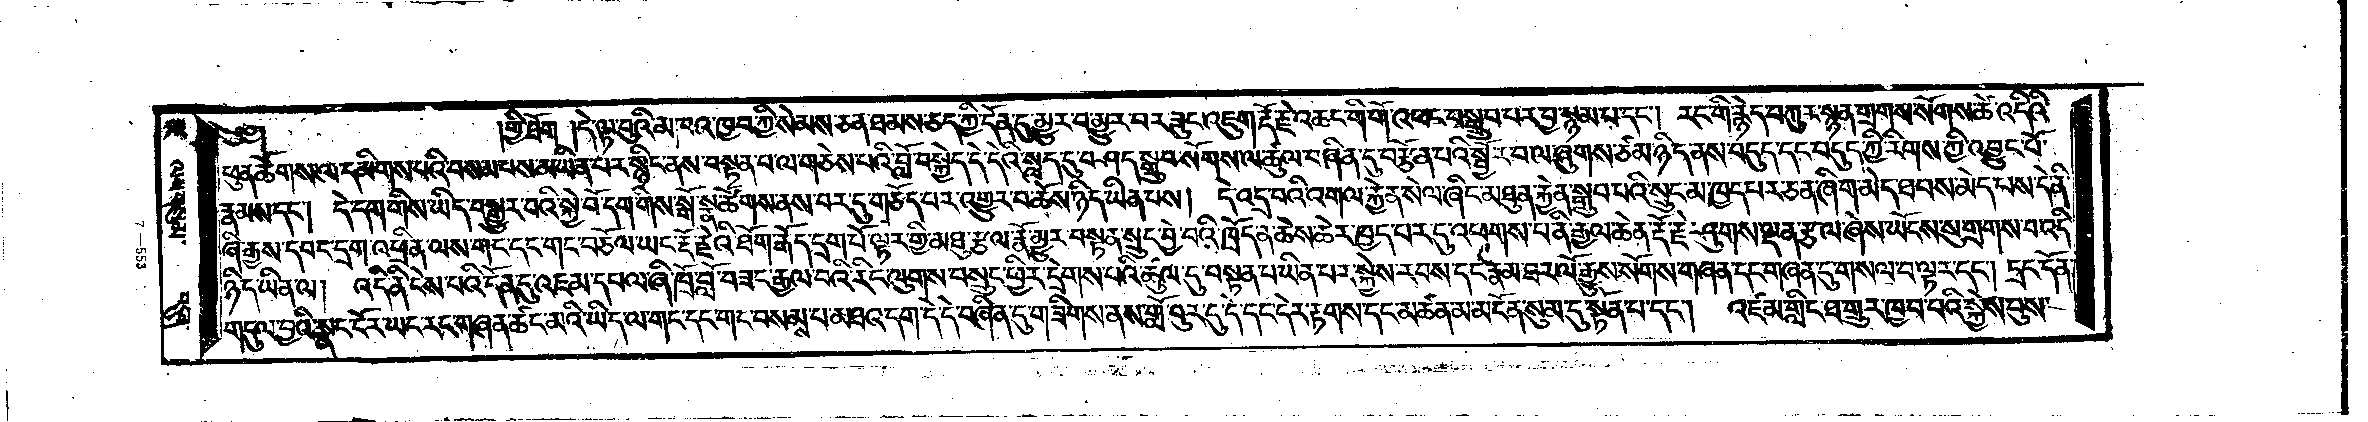༄༅། །གྱི་ཐོག །དེ་ལྟ་བུའི་མཁའ་ཁྱབ་ཀྱི་སེམས་ཅན་ཐམས་ཅད་ཀྱི་དོན་དུ་མྱུར་བ་མྱུར་བར་ཟུང་འཇུག་རྡོ་རྗེ་འཆང་གི་གོ་འཕང་བསྒྲུབ་པར་བྱ་སྙམ་པ་དང་། རང་གི་རྙེད་བཀུར་སྙན་གྲགས་སོགས་ཚེ་འདིའི་
ཕུན་ཚོགས་ལ་དམིགས་པའི་བསམ་པས་མ་ཡིན་པར་སྙིང་ནས་བསྟན་པ་ལ་གཅེས་པའི་བློ་བསྐྱེད་དེ་དེའི་སླད་དུ་བཤད་སྒྲུབ་སོགས་ལ་ཚུལ་བཞིན་དུ་བརྩོན་པའི་སྦྱོར་བ་ལ་ཞུགས་ཙམ་ཉིད་ནས་བདུད་དང་བདུད་ཀྱི་རིགས་ཀྱི་འབྱུང་པོ་
རྣམས་དང་། དེ་དག་གིས་ཡིད་བསྒྱུར་པའི་སྐྱེ་བོ་དག་གིས་སྒོ་སྣ་ཚོགས་ནས་བར་དུ་གཅོད་པར་འགྱུར་བ་ཆོས་ཉིད་ཡིན་པས། དེ་འདྲ་བའི་འགལ་རྐྱེན་སེལ་ཞིང་མཐུན་རྐྱེན་སྒྲུབ་པའི་སྲུང་མ་ཁྱད་པར་ཅན་ཞིག་མེད་ཐབས་མེད་པས་དེ་ནི་
ཞི་རྒྱས་དབང་དྲག་འཕྲིན་ལས་གང་དང་གང་བཅོལ་ཡང་རྡོ་རྗེའི་ཐོག་རྒོད་དྲག་པོ་ལྟར་གྱི་མཐུ་རྩལ་རྣོ་མྱུར་བསྟན་སྲུང་བྱེ་བའི་ཁྲོད་ན་ཆེས་ཆེར་ཁྱད་པར་དུ་འཕགས་པ་ནི་རྒྱལ་ཆེན་རྡོ་རྗེ་ཤུགས་ལྡན་རྩལ་ཞེས་ཡོངས་སུ་གྲགས་པ་འདི་
ཉིད་ཡིན་ལ། འདི་ནི་ངེས་པའི་དོན་དུ་འཇམ་དཔལ་ཞི་ཁྲོ་བློ་བཟང་རྒྱལ་བའི་རིང་ལུགས་བསྲུང་ཕྱིར་དྲེགས་པའི་ཚུལ་དུ་བསྟན་པ་ཡིན་པར་སྐྱེས་རབས་དང་རྣམ་ཐར་ལོ་རྒྱུས་སོགས་གཞན་དང་གཞན་དུ་གསལ་བ་ལྟར་དང་། དྲང་དོན་
གདུལ་བྱའི་སྣང་ངོར་ཡང་རང་གཞན་ཚང་མའི་ཡིད་ལ་གང་དང་གང་བསམས་པ་མཐའ་དག་དེ་དེ་བཞིན་དུ་གཟིགས་ནས་གློ་བུར་དུ་དེ་དང་དེར་རྟགས་དང་མཚན་མ་མངོན་སུམ་དུ་སྟོན་པ་དང་། འཛམ་གླིང་ཐ་གྲུར་ཁྱབ་པའི་སྐྱེས་བུས་